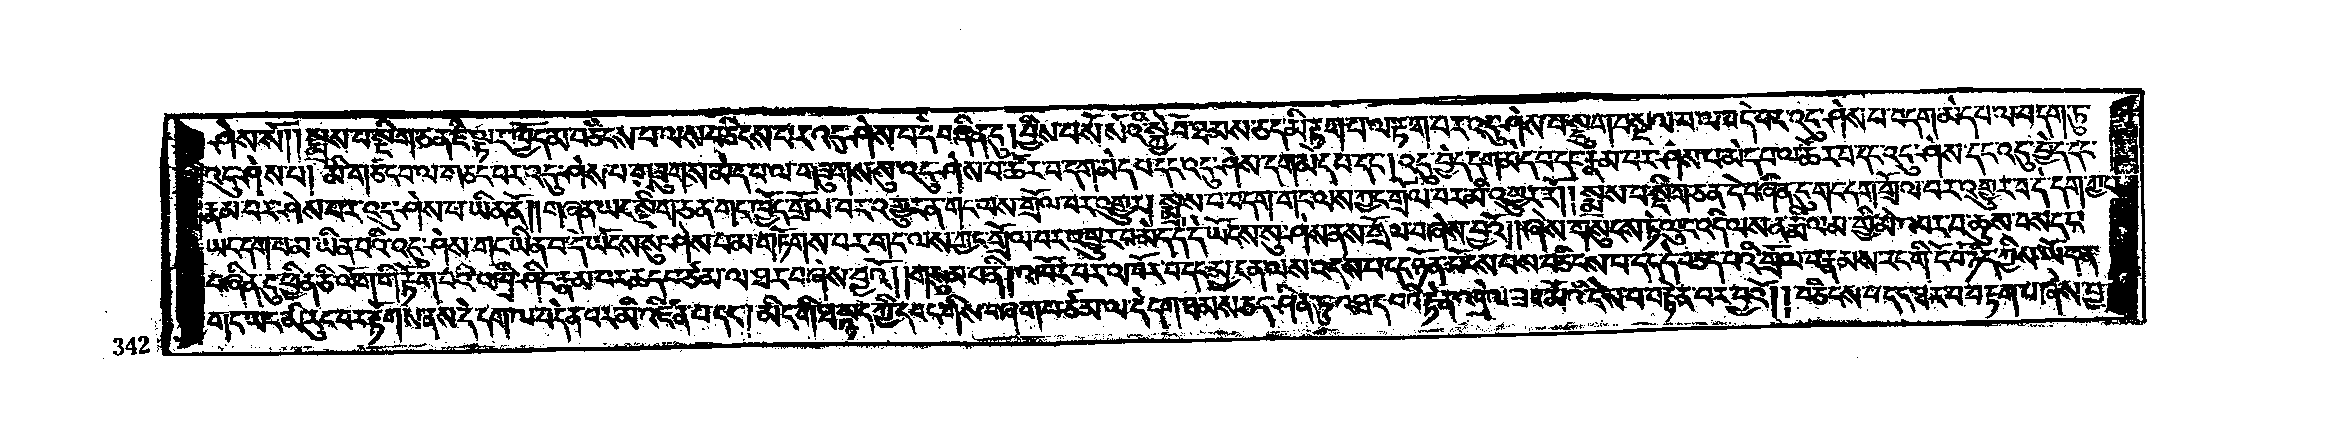ཤེས་སོ། །སྨྲས་པ་སྡིག་ཅན་ཇི་ལྟར་ཁྱོད་མ་བཅིངས་པ་ལས་བཅིངས་པར་འདུ་ཤེས་བ་དེ་བཞིན་དུ། བྱིས་པ་སོ་སོའི་སྐྱེ་བོ་ཐམས་ཅད་མི་རྟག་པ་ལ་རྟག་པར་འདུ་ཤེས་པ་སྡུག་བསྔལ་བ་ལ་བདེ་བར་འདུ་ཤེས་པ་བདག་མེད་པ་ལ་བདག་ཏུ་
འདུ་ཤེས་པ། མི་གཙང་བ་ལ་གཙང་བར་འདུ་ཤེས་པ་གཟུགས་མེད་པ་ལ་གཟུགས་སུ་འདུ་ཤེས་བ་ཚོར་བ་དག་མེད་པ་དང་འདུ་ཤེས་དག་མེད་པ་དང་། འདུ་བྱེད་དག་མེད་པ་དང་རྣམ་པར་ཤེས་པ་མེད་པ་ལ་ཚར་བ་དང་འདུ་ཤེས་དང་འདུ་བྱེད་དང་
རྣམ་པར་ཤེས་པར་འདུ་ཤེས་པ་ཡིན་ནོ། །གཞན་ཡང་སྡིག་ཅན་གང་ཁྱོད་གྲོལ་བར་འགྱུར་ན་གང་ལས་གྲོལ་བར་འགྱུར། སྨྲས་པ་བདག་གང་ལས་ཀྱང་གྲོལ་བར་མི་འགྱུར་རོ། །སྨྲས་པ་སྡིག་ཅན་དེ་བཞིན་དུ་གང་དག་གྲོལ་བར་འགྱུར་བ་དེ་དག་ཀྱང་
ཡང་དག་པ་མ་ཡིན་པའི་འདུ་ཤེས་གང་ཡིན་པ་དེ་ཡོངས་སུ་ཤེས་པ་མ་གཏོགས་པར་གང་ལས་ཀྱང་གྲོལ་བར་འགྱུར་བ་མེད་དེ་དེ་ཡོངས་སུ་ཤེས་ནས་གྲོལ་བཞེས་བྱའོ། །ཞེས་གསུངས་ཏེ་ལུང་འདི་ལས་ན་རྨི་ལམ་གྱི་མེ་འབར་བ་ཆུས་བསད་པ་
བཞིན་དུ་ཕྱིན་ཅི་ལོག་གི་རྟོག་པའི་འཁྲི་ཤིང་རྣམ་པར་ཆད་བཙམ་ལ་ཐར་བ་ཞེས་བྱའོ། །གསུམ་པ་ནི། འཁོར་བར་འཁར་བ་དང་མྱ་ངན་ལས་འདས་པ་དང་ཉོན་མོངས་པས་བཅིངས་པ་དང་དེ་བཅད་པའི་གྲོལ་བ་རྣམས་རང་གི་ངོ་བོ་ཉིད་ཀྱིས་ཡོད་ན་
གང་ཡང་མི་རུང་བར་རྟོགས་ནས་དེ་དག་ལ་བདེན་བར་མི་འཛིན་པ་དང་། མིང་གི་ཐ་སྙད་ཀྱི་དབང་གིས་བཞག་བ་ཙམ་ལ་དེ་དག་ཐམས་ཅད་ཤིན་ཏུ་འཐད་པའི་རྟེན་འབྲེལ་ཟབ་མོའི་ངེས་པ་བརྟན་པར་བྱའོ། །བཅིངས་པ་དང་ཐར་བ་བརྟག་བ་ཞེས་བྱ་